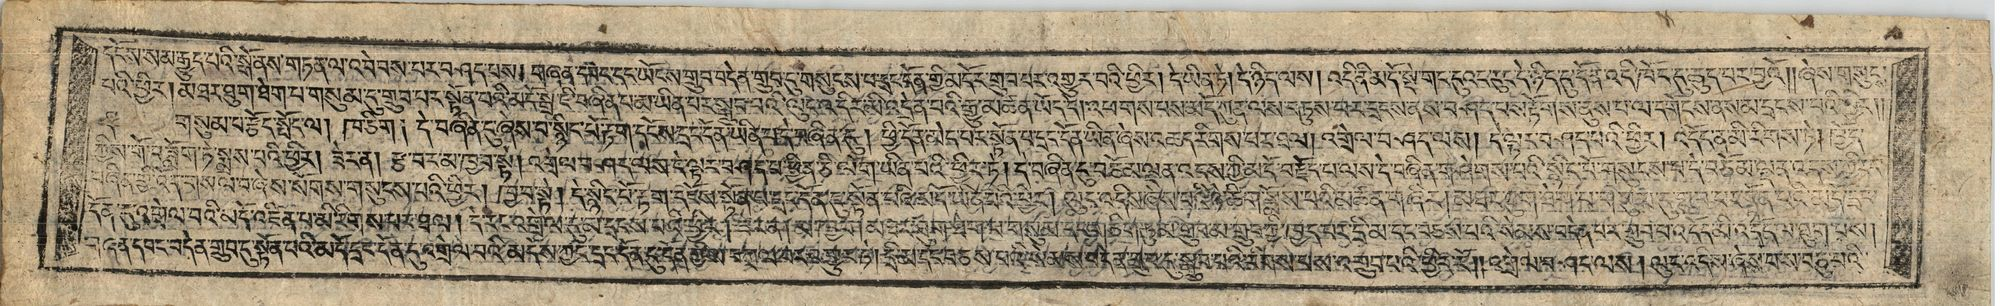དངོས་སམ་རྒྱུད་པའི་སྒོ་ནས་གཏན་ལ་འབེབས་པར་བཤད་པས། གཞན་དབང་དང་ཡོངས་གྲུབ་བདེན་གྲུབ་དུ་གསུངས་པ་དྲང་དོན་གྱི་མདོར་གྲུབ་པར་འགྱུར་བའི་ཕྱིར། དེ་ཡིན་ཏེ། དེ་ཉིད་ལས། འདི་ནི་མདོ་སྡེ་གང་དུའང་རུང་དེ་ཉིད་དུ་དོན་འདི་ཁོང་དུ་ཆུད་པར་བྱའོ། །ཞེས་གསུངས་
པའི་ཕྱིར། མཐར་ཐུག་ཐེག་པ་གསུམ་དུ་གྲུབ་པར་སྟོན་པའི་མདོ་སྒྲ་ཇི་བཞིན་པ་མ་ཡིན་པར་སྒྲུབ་པའི་ལུང་འདིར་མི་འདྲེན་པའི་རྒྱུ་མཚན་ཡོད་དེ། འཕགས་པས་མདོ་ཀུན་ལས་བཏུས་པར་དྲངས་ནས་བཤད་པས་རྟོགས་ནུས་པ་ལ་དགོངས་ནས་མ་དྲངས་པའི་ཕྱིར།།
༈ གསུམ་པ་རྩོད་པ་སྤོང་བ་ལ། ཁ་ཅིག ། དེ་བཞིན་དུ་ཞེས་པ་སྙིང་པོ་རྟག་དངོས་དྲང་དོན་ཡིན་པ་དེ་བཞིན་དུ། ཕྱི་དོན་མེད་པར་སྟོན་པ་དྲང་དོན་ཡིན་ཞེས་འཆད་རིགས་པར་ཐལ། འགྲེལ་བཤད་ལས། དེ་ལྟར་བཤད་པའི་ཕྱིར། འདོད་ན་མི་རིགས་ཏེ། ཁྱོད་
ཀྱིས་གོ་?་བཟློག་ཏེ་སྨྲས་པའི་ཕྱིར། ཟེར་ན། རྩ་བར་མ་ཁྱབ་སྟེ། འགྲེལ་བཤད་ལས་དེ་ལྟར་བཤད་པ་ཕྱིན་ཅི་ལོག་ཡིན་པའི་ཕྱིར་ཏེ། དེ་བཞིན་དུ་བཅོམ་ལྡན་འདས་ཀྱི་མདོ་བརྗོད་པ་ལས་དེ་བཞིན་གཤེགས་པའི་སྙིང་པོ་གསུངས་པ་དེ་བཅོམ་ལྡན་འདས་ཀྱི་རང་
བཞིན་གྱི་འོད་གསལ་བ་ཞེས་སོགས་གསུངས་པའི་ཕྱིར། ཁྱབ་སྟེ། དེ་སྙིང་པོ་རྟག་དངོས་སྟོན་པ་དྲང་དོན་དུ་སྟོན་པའི་མདོ་ཡིན་པའི་ཕྱིར། ལུང་འདིས་ཞེས་པའི་ཉེ་ཚིག་སྨོས་པའི་མཚན་གཞིར། མཐར་ཐུག་ཐེག་པ་གསུམ་དུ་གྲུབ་པར་སྟོན་པའི་མདོ་དྲང་
དོན་དུ་འགྲེལ་བའི་མདོ་འཛིན་པ་མི་རིགས་པར་ཐལ། དེ་རང་འགྲེལ་དུ་མ་དྲངས་པའི་ཕྱིར། ཟེར་ན། མ་ཁྱབ། མཐར་ཐུག་ཐེག་པ་གསུམ་དང་གཅིག་ཏུ་གྲུབ་མ་གྲུབ་ཀྱི་ཁྱད་པར་དྲི་མ་དང་བཅས་པའི་སེམས་བདེན་པར་གྲུབ་པ་འདོད་མི་འདོད་ལ་ཐུག་པས།
གཞན་དབང་བདེན་གྲུབ་དུ་སྟོན་པའི་མདོ་དྲང་དོན་དུ་འགྲེལ་བའི་མདོས་ཀྱང་དྲང་དོན་དུ་དོན་གྱིས་བཀྲལ་བར་འགྱུར་ཏེ། དྲི་མ་དང་བཅས་པའི་སེམས་བདེན་གྲུབ་དུ་སྒྲུབ་པའི་རིགས་པས་འགྲུབ་པའི་ཕྱིར་རོ། །འགྲེལ་བཤད་ལས། ལུང་འདིས་ཞེས་པ་ས་བཅུ་པའི་